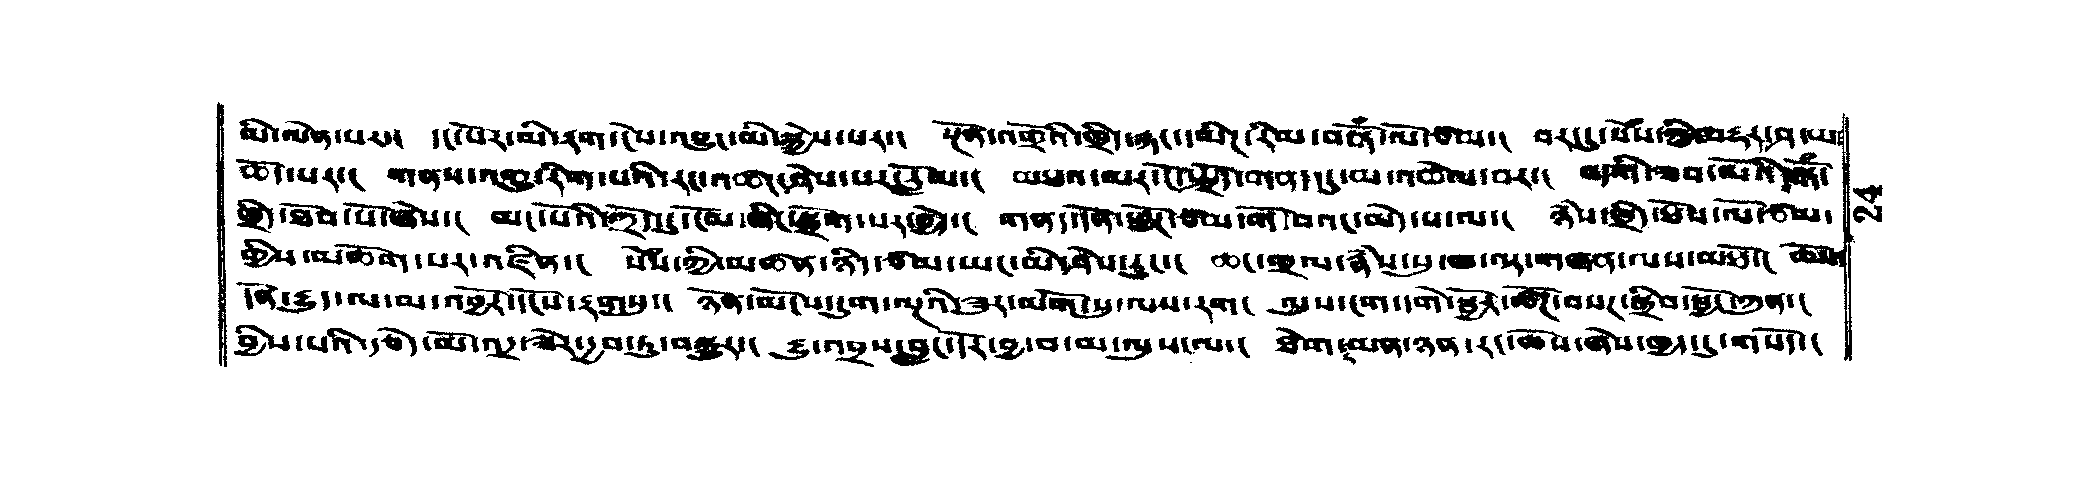མི་ལེན་པར། །དང་པོར་མི་རྟག་ངེས་འབྱུང་མི་སྐྱེས་པར། །སྔོན་འགྲོ་ཁྲིད་རྐང་དམིགས་རིམ་བསྒོམ་ལོ་ཙམ། །བར་དུ་སེམས་ཀྱི་བརྡར་ཤ་མ་
ཆོད་པར། །གནས་འགྱུ་རིག་པའི་རང་འཚང་ཤེས་པར་རློམ། །མཐའ་མར་ངོ་སྤྲོད་གནད་དུ་མ་འཁེལ་བར། །བདག་གི་ཟབ་མོའི་སྒོམ་
ཁྲིད་ཐོབ་བོ་ཞེས། །མང་པོའི་ཁྲོད་དུ་ངོམ་ཞིང་སྒྲོག་པར་བྱེད། །གནད་དོན་ཕྱོགས་ཙམ་གོ་བའང་མེད་པ་ལ། །ཉམས་ཁྲིད་ཐོས་ལོ་ཙམ་
གྱིས་ཆོག་པར་འཛིན། །སེམས་ཀྱི་མཚན་ཉིད་ཙམ་ཡང་མི་ཤེས་རུང་། །ཆགས་བྲལ་རྣམས་སུ་ཁ་ཏ་གཞན་ལས་མཐོ། །ཆོས་
དོན་རྒྱུད་ལ་མ་འབྱོར་དངོས་རྟགས་སུ། །ཉོན་མོངས་དུག་ལྔའི་ཟུར་མགོ་སུ་ལས་རག །ལུས་ངག་དགེ་སྦྱོར་ཚོགས་བསགས་སྒྲིབ་སྦྱོང་ཀུན། །
བྱིས་པའི་རྩེད་མོ་འདྲ་ཟེར་རྒྱབ་ཏུ་བསྐྱུར། །རྒྱུ་འབྲས་བླང་དོར་བྱ་བ་མ་ལུས་ལ། །ཐེག་དམན་ཉན་རང་ཆོས་ཞེས་ཁྱད་དུ་གསོད། །